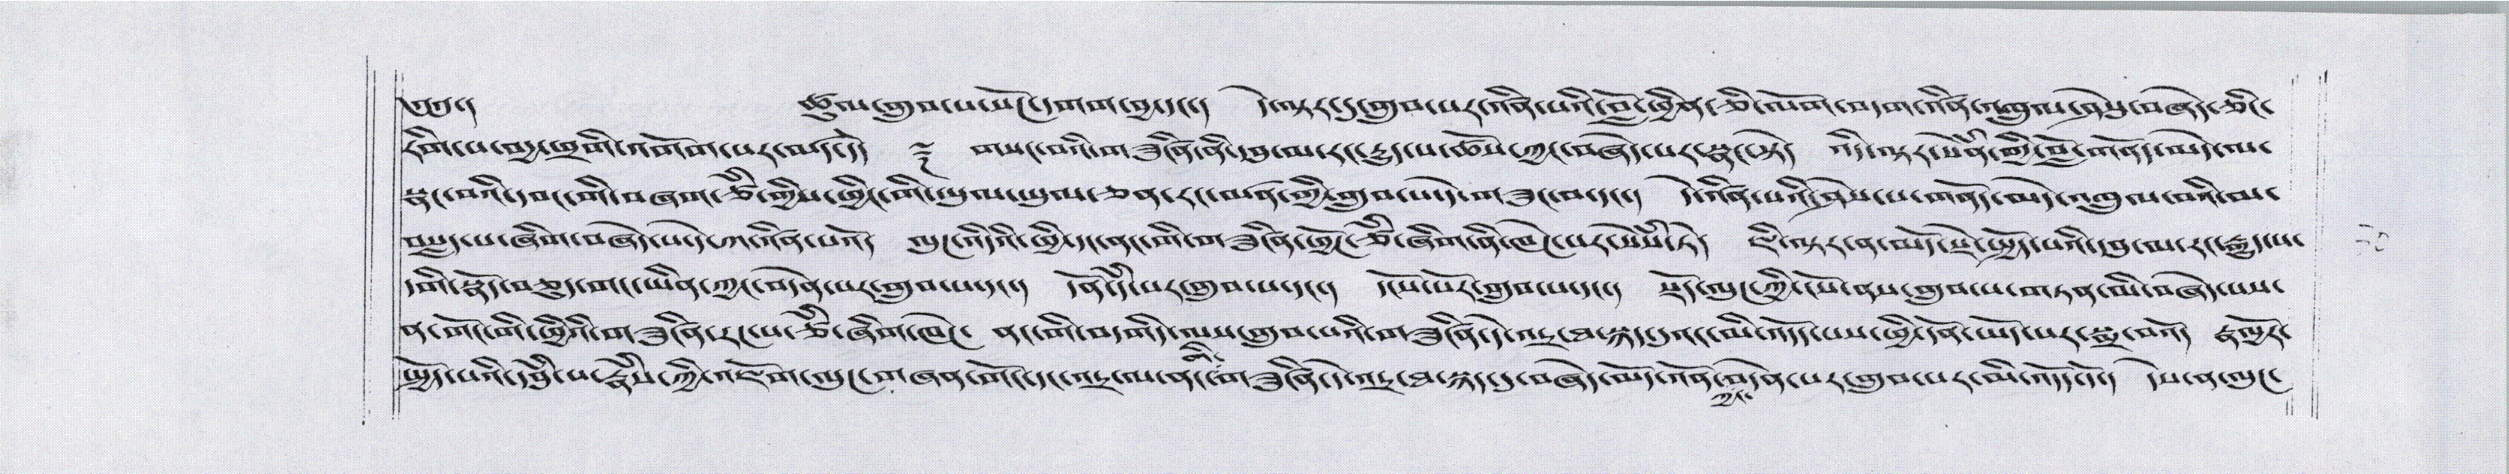ཚུར་གྲུབ་པ་སོགས་དགག་བྱ་དང་། དེ་ལྟར་དུ་གྲུབ་པར་འཛིན་པའི་བློ་ཕྱིན་ཅི་ལོག་བདག་འཛིན་འགྲུབ་ཤེས་སུ་བཞེད་ཅིང་
རིག་པ་བརྒྱ་ཕྲག་གིས་འགོག་པར་མཛད་དོ། ༧ གསང་བའི་གཟུང་འཛིན་ནི་དབུ་མ་རང་རྒྱུད་པ་ཚོས་ཀྱང་བཞེད་པར་སྣང་སྟེ། འདི་ལྟར་སེམས་ཅན་གྱི་བློ་གནོད་མེད་ལ་
སྣང་བའི་དབང་གིས་བཞག་ཙམ་གྱིས་ཕྱི་ནང་གི་ཡུལ་ཡུལ་ཅན་རང་མཚན་གྱིས་གྲུབ་པ་དེ་གཟུང་བ་དང་། དེ་འཛིན་པའི་ཤེས་པ་གནོད་མེད་འཁྲུལ་པས་མ་
བསླད་པ་ཞིག་བཞེད་པ་དེ་ཀ་འཛིན་པའོ། ལུགས་འདིའི་ཕྱི་དང་ནང་གི་གཟུང་འཛིན་ཕྱོགས་ཙམ་ཞིག་ནི་ཁེགས་པར་སེམས་ཏེ། ཇི་ལྟར་ན་མདོ་སྡེ་སྤྱོད་པའི་དབུ་མ་རང་རྒྱུད་པ་
དག་གི་སྣོད་བཅུད་གང་ཡིན་ཀྱང་བདེན་པར་གྲུབ་པ་དང་། དོན་དམ་པར་གྲུབ་པ་དང་། དངོས་པོར་གྲུབ་པ་དང་། སྡོད་ལུགས་ཀྱི་ངོས་ནས་གྲུབ་པ་གཏན་མི་བཞེད་པས་
ན་གོང་གི་ཕྱི་ཡི་གཟུང་འཛིན་རགས་པ་ཙམ་ཞིག་ཁེགས། ནང་གི་བདག་ཉིད་ལས་གྲུབ་པའི་གཟུང་འཛིན་དེ་འདྲ་ཐ་སྙད་
དུ་བཞེད་མོད། འོན་ཀྱང་བདེན་པར་གྲུབ་པར་མི་འདོད་དོ། དེས་ན་ལུགས་